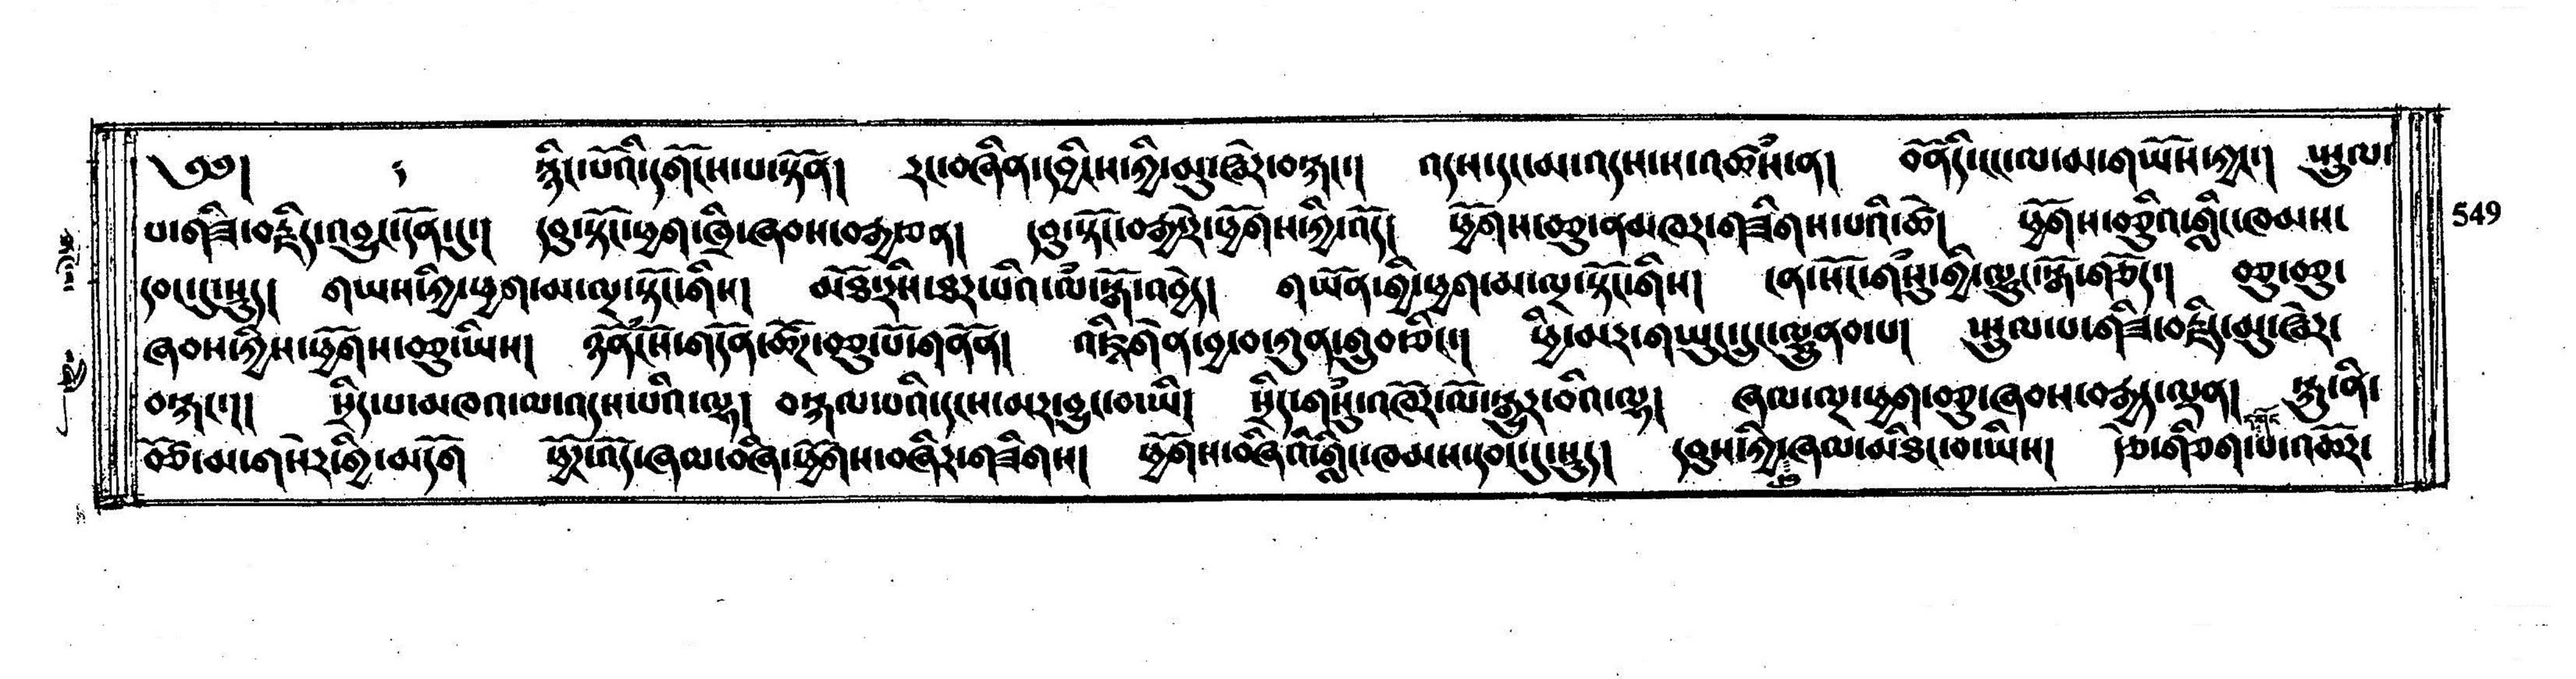སྙིང་པོའི་དགོངས་པ་སྟོན། རང་བཞིན་དབྱིངས་ཀྱི་མུ་ཝེར་བསྐང་། འདས་དང་མ་འདས་ས་འཚམས་ན། བོན་ཉིད་ངང་ལ་མ་གཡོས་ཀྱང་། སྤྲུལ་
པ་གཟི་བརྗིད་འབྱུང་དོན་དུ། དབུ་སྟོང་ཕྱག་ཁྲི་ཞབས་བརྒྱ་ཅན། དབུ་སྟོང་བརྒྱ་རེ་ཕྱོགས་ཀྱི་འོད། ཕྱོགས་བཅུ་ནམ་མཁར་གཟིགས་པའི་ཚེ། ཕྱོགས་བཅུའི་གླིང་ཁམས་
དབང་དུ་སྡུད། གཡས་ཀྱི་ཕྱག་མ་ལྔ་སྟོང་གིས། མཐོ་རིས་ཐར་པའི་ལམ་སྒོ་འབྱེད། གཡོན་གྱི་ཕྱག་མ་ལྔ་སྟོང་གིས། ངན་སོང་གསུམ་གྱི་ལྷུང་སྒོ་གཅོད། བཅུ་བཅུ་
ཞབས་ཀྱིས་ཕྱོགས་བཅུ་ཡིས། ཉོན་མོངས་གདོན་ཚོགས་བཅུ་པོ་གནོན། འཇིག་རྟེན་བྱ་བ་ཀུན་གྲུབ་ཅིང་། ཕྱི་མར་གཡུང་དྲུང་ལྷུན་གྲུབ་པ། སྤྲུལ་པ་གཟི་བརྗིད་མུ་ཝེར་
བསྐང་།། སྲིད་པ་མཁའ་ལ་འདས་པའི་ལྷ། བསྐལ་པའི་དངས་མར་བྱུང་བ་ཡི། སྲིད་གསུམ་འཁོར་ལོ་སྒྱུར་བའི་ལྷ། ཞལ་ལྔ་ཕྱག་བཅུ་ཞབས་བརྒྱད་ལྡན། སྐུ་ནི་
བཙོ་མ་གསེར་གྱི་མདོག ཕྱོགས་འོད་ཞལ་བཞི་ཕྱོགས་བཞིར་གཟིགས། ཕྱོགས་བཞིའི་གླིང་ཁམས་དབང་དུ་སྡུད། དབུས་ཀྱི་དབུ་ཞལ་མཐིང་བ་ཡིས། རྩེ་གཅིག་དགོང་པ་འཆོར་